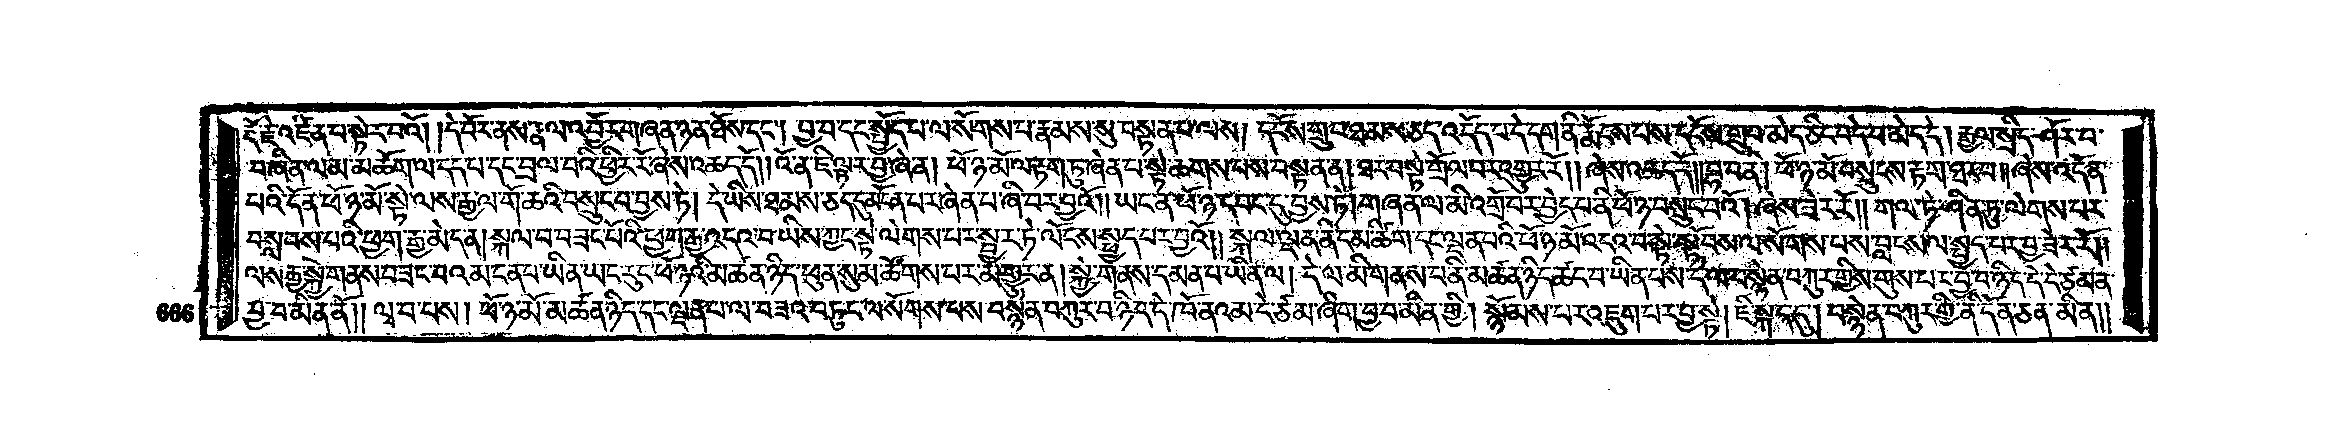རྡོ་རྗེ་འཛིན་པ་སྟེར་བའོ། །དེ་བོར་ནས་རྣལ་འབྱོར་གཞན་ཉན་ཐོས་དང་། བྱ་བ་དང་སྤྱོད་པ་ལ་སོགས་པ་རྣམས་སུ་བསྟན་པ་ལས། དངོས་གྲུབ་ཐམས་ཅད་འདོད་པ་དེ་དག་ནི་རྨོངས་པས་དངོས་གྲུབ་མེད་ཅིང་བདེ་བ་མེད་དེ། རྒྱལ་སྲིད་ཤོར་བ་
བཞིན་ལམ་མཆོག་ལ་དད་པ་དང་བྲལ་བའི་ཕྱིར་རོ་ཞེས་འཆད་དོ། །འོ་ན་ཇི་ལྟར་བྱ་ཞེ་ན། ཕོ་ཉ་མོ་ལ་རྟག་ཏུ་ཞེན་པ་སྟེ་ཆགས་པས་བསྟན་ན། ཐར་བ་སྟེ་གྲོལ་བར་འགྱུར་རོ། །ཞེས་འཆད་དོ། །བྷ་བ་ནི། ཕོ་ཉ་མོ་བསྲུངས་རྟག་ཐར་པ། །ཞེས་འདོན་
པའི་དོན་ཕོ་ཉ་མོ་སྟེ་ལས་རྒྱ་ལ་གོ་ཆའི་བསྲུང་བ་བྱས་ཏེ། དེ་ཡིས་ཐམས་ཅད་དུ་མངོན་པར་ཞེན་པ་ཞི་བར་བྱའོ། །ཡང་ན་ཕོ་ཉ་དབང་དུ་བྱས་ཏེ། གཞན་ལ་མི་འགྲོ་བར་བྱེད་པ་ནི་ཕོ་ཉ་བསྲུང་བའོ། ཞེས་ཟེར་རོ། །གལ་ཏེ་ཤིན་ཏུ་ལེགས་པར་
བསླབས་པའི་ཕྱག་རྒྱ་མེད་ན། སྐལ་བ་བཟང་པོའི་ཕྱག་རྒྱ་འདའ་བ་ཡིས་ཀྱང་སྟེ་ལེགས་པར་སྦྱར་ཏེ་ལོངས་སྤྱད་པར་བྱའོ། །སྐལ་ལྡན་ནི་དམ་ཚིག་དང་ལྡན་པའི་ཕོ་ཉ་མོ་འདའ་བ་སྟེ་སྟོབས་ལ་སོགས་པས་བླངས་ལ་སྤྱད་པར་བྱ་ཟེར་རོ། །
ལས་རྒྱ་སྐྱེ་གནས་བཟང་བའམ་ངན་པ་ཡིན་ཡང་རུང་ཕོ་ཉའི་མཚན་ཉིད་ཕུན་སུམ་ཚོགས་པར་མ་གྱུར་ན། སྐྱེ་གནས་དམན་པ་ཡིན་ལ། དེ་ལ་མི་གནས་པ་ནི་མཚན་ཉིད་ཚང་བ་ཡིན་པས་དེ་ལ་བསྙེན་བཀུར་གྱིས་གུས་པར་བྱ་བ་ཉིད་དེ་དེ་ཙམ་ན་
བྱ་བ་མིན་ནོ། །ལྭ་བ་པས། ཕོ་ཉ་མོ་མཚན་ཉིད་དང་ལྡན་པ་ལ་བཟའ་བཏུང་ལ་སོགས་པས་བསྙེན་བཀུར་བ་ཉིད་དེ་ཁོ་ནའམ་དེ་ཙམ་ཞིག་བྱ་བ་མིན་གྱི། སྙོམས་པར་འཇུག་པར་བྱ་སྟེ། ཇི་སྐད་དུ། བསྙེན་བཀུར་གྱི་ནི་དོན་ཅན་མིན། །